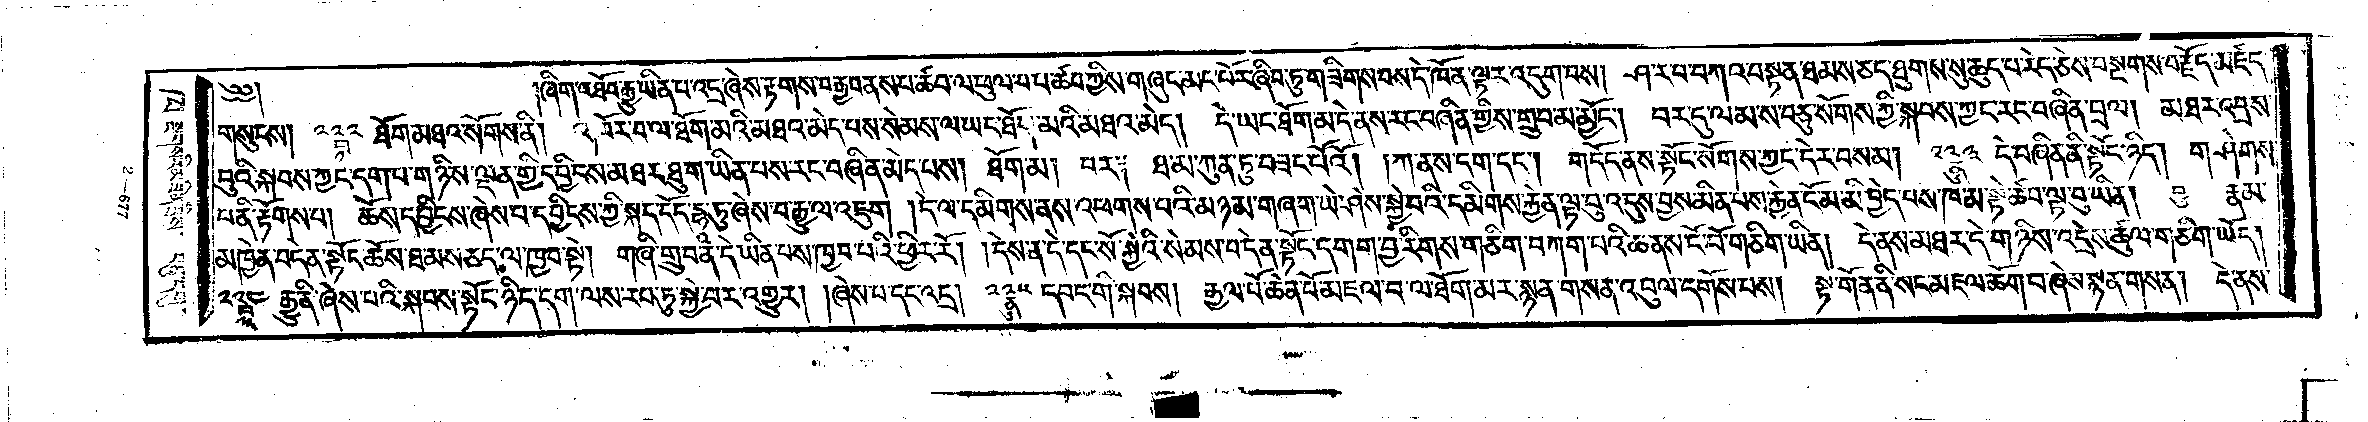༄༅། །ཞིག་འཐོབ་རྒྱུ་ཡིན་པ་འདྲ་ཞེས་རྟགས་བརྒྱབ་ནས་པ་ཚབ་ལ་ཕུལ་པ་པ་ཚབ་ཀྱིས་གཞུང་མང་པོར་ཞིབ་ཏུ་གཟིགས་པས་དེ་ཁོ་ན་ལྟར་འདུག་པས། ཤ་རབ་བཀའ་བསྟན་ཐམས་ཅད་ཐུགས་སུ་ཆུད་པ་རེད་ཅེས་བསྔགས་བརྗོད་མཛད་
གསུངས། ༢༢༢བ༡་ཐོག་མཐའ་སོགས་ནི། འཁོར་བ་ལ་ཐོག་མའི་མཐའ་མེད་པས་སེམས་ལ་ཡང་ཐོག་མའི་མཐའ་མེད། དེ་ཡང་ཐོག་མ་དེ་ནས་རང་བཞིན་གྱིས་གྲུབ་མ་མྱོང་། བར་དུ་ལམ་ས་བཅུ་སོགས་ཀྱི་སྐབས་ཀྱང་རང་བཞིན་བྲལ། མཐར་འབྲས་
བུའི་སྐབས་ཀྱང་དག་པ་གཉིས་ལྡན་གྱི་དབྱིངས་མཐར་ཐུག་ཡིན་པས་རང་བཞིན་མེད་པས། ཐོག་མ། བར༑ ཐ་མ་ཀུན་ཏུ་བཟང་པོའོ། །ཀ་ནས་ངག་དང་། གདོད་ནས་སྟོང་སོགས་ཀྱང་དེར་བསམ། ༢༢༣ན༦་དེ་བཞིན་ནི་སྟོང་ཉིད། གཤེགས་
པ་ནི་རྟོགས་པ། ཆོས་དབྱིངས་ཞེས་པ་དབྱིངས་ཀྱི་སྐད་དོད་དྷ་ཏུ་ཞེས་བ་རྒྱུ་ལ་འཇུག །དེ་ལ་དམིགས་ནས་འཕགས་པའི་མཉམ་གཞག་ཡེ་ཤེས་སྐྱེ་བའི་དམིགས་རྐྱེན་ལྟ་བུ་འདུས་བྱས་མིན་པས་རྐྱེན་ངོ་མ་མི་བྱེད་པས་ཁ་མ་སྟེ་ཚབ་ལྟ་བུ་ཡིན། བ༦་རྣམ་
མཁྱེན་བདེན་སྟོང་ཆོས་ཐམས་ཅད་ལ་ཁྱབ་སྟེ། གཞི་གྲུབ་ན་དེ་ཡིན་པས་ཁྱབ་པའི་ཕྱིར་རོ། །དེས་ན་དེ་དང་སོ་སྐྱེའི་སེམས་བདེན་སྟོང་དགག་བྱ་རིགས་གཅིག་བཀག་པའི་ཆ་ནས་ངོ་བོ་གཅིག་ཡིན། དེ་ནས་མཐར་དེ་གཉིས་འདྲེས་ཚུལ་གཅིག་ཡོད།
༢༢༤བ༣་རྒྱུ་ནི་ཞེས་བའི་སྐབས་སྟོང་ཉིད་དག་ལས་རབ་ཏུ་སྐྱེ་བར་འགྱུར། །ཞེས་པ་དང་འདྲ། ༢༢༥ན༦་དབང་གི་སྐབས། རྒྱལ་པོ་ཆེན་པོ་མཇལ་བ་ལ་ཐོག་མར་སྙན་གསན་འབུལ་དགོས་པས། སྟ་གོན་ནི་སང་མཇལ་ཆོག་པ་ཞེས་སྙན་གསན། དེ་ནས་